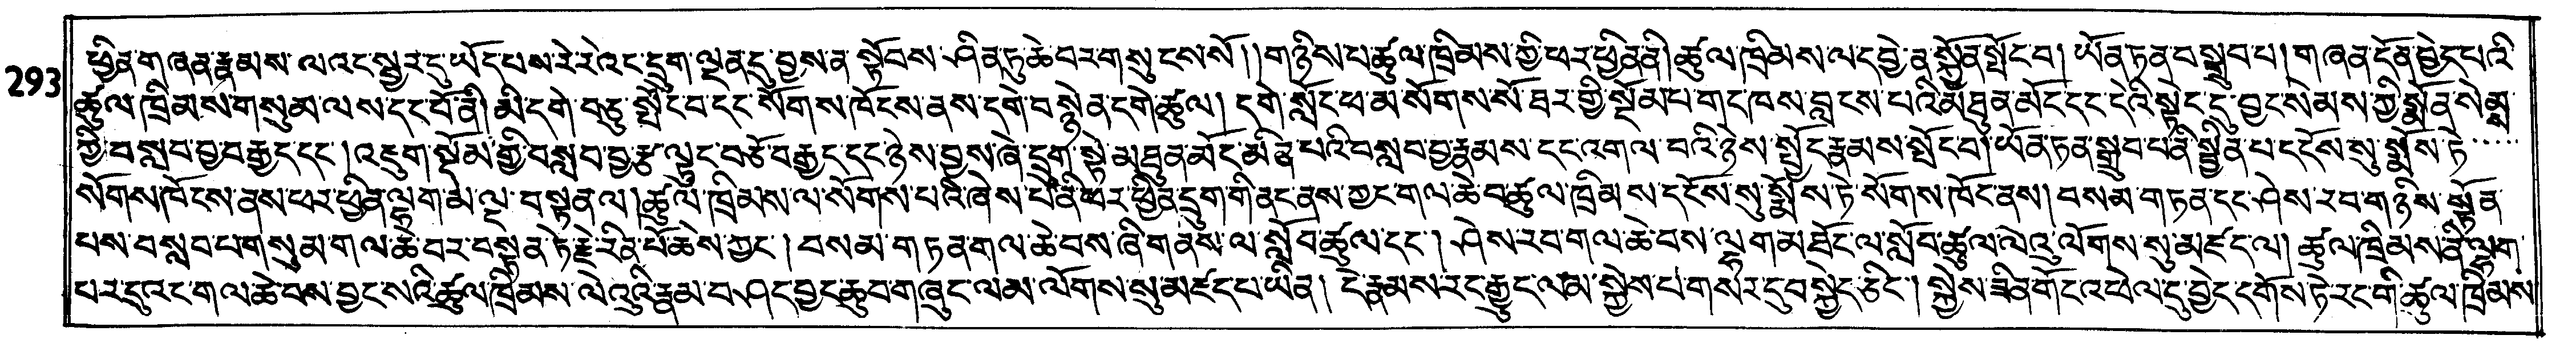ཕྱིན་གཞན་རྣམས་ལའང་སྦྱར་དུ་ཡོད་པས་རེ་རེའང་དྲུག་ལྡན་དུ་བྱས་ན་སྟོབས་ཤིན་ཏུ་ཆེ་བར་གསུངས་སོ། །གཉིས་པ་ཚུལ་ཁྲིམས་ཀྱི་ཕར་ཕྱིན་ནི། ཚུལ་ཁྲིམས་ལ་དབྱེ་ན་སྐྱོན་སྤོང་བ། ཡོན་ཏན་བསྒྲུབ་པ། གཞན་དོན་བྱེད་པའི་
ཚུལ་ཁྲིམས་གསུམ་ལས་དང་པོ་ནི། མི་དགེ་བཅུ་སྤོང་བ་དང་སོགས་ཁོངས་ནས་དགེ་བསྙེན་དགེ་ཚུལ། དགེ་སློང་ཕ་མ་སོགས་སོ་ཐར་གྱི་སྡོམ་པ་གང་ཁས་བླངས་པའི་མཐུན་མོང་དང་དེའི་སྟེང་དུ་བྱང་སེམས་ཀྱི་སྨོན་སེམས་
ཀྱི་བསླབ་བྱ་བརྒྱད་དང་། འཇུག་སྡོམ་གྱི་བསླབ་བྱ་རྩ་ལྟུང་བཅོ་བརྒྱད་དང་ཉེས་བྱས་ཞེ་དྲུག་སྟེ་མཐུན་མོང་མིན་པའི་བསླབ་བྱ་རྣམས་དང་འགལ་བའི་ཉེས་སྤྱོད་རྣམས་སྤོང་བ། ཡོན་ཏན་སྒྲུབ་པ་ནི་སྦྱིན་པ་དངོས་སུ་སྨོས་ཏེ་
སོགས་ཁོངས་ནས་ཕར་ཕྱིན་ལྷག་མ་ལྔ་བསྟན་ལ། ཚུལ་ཁྲིམས་ལ་སོགས་པའི་ཞེས་པ་ནི་ཕར་ཕྱིན་དྲུག་གི་ནང་ནས་ཀྱང་གལ་ཆེ་བ་ཚུལ་ཁྲིམས་དངོས་སུ་སྨོས་ཏེ་སོགས་ཁོང་ནས། བསམ་གཏན་དང་ཤེས་རབ་གཉིས་སྟོན་
པས་བསླབ་པ་གསུམ་གལ་ཆེ་བར་བསྟན་ཏེ་རྗེ་རིན་པོ་ཆེས་ཀྱང་། བསམ་གཏན་གལ་ཆེ་བས་ཞི་གནས་ལ་སློབ་ཚུལ་དང་། ཤེས་རབ་གལ་ཆེ་བས་ལྷག་མཐོང་ལ་སློབ་ཚུལ་ལེའུ་ལོགས་སུ་མཛད་ལ། ཚུལ་ཁྲིམས་ནི་ལྷག་
པར་དུའང་གལ་ཆེ་བས་བྱང་སའི་ཚུལ་ཁྲིམས་ལེའུའི་རྣམ་བཤད་བྱང་ཆུབ་གཞུང་ལམ་ལོགས་སུ་མཛད་པ་ཡིན། དེ་རྣམས་རང་རྒྱུད་ལམ་སྐྱེས་པ་གསར་དུ་བསྐྱེད་ཅིང་། སྐྱེས་ཟིན་གོང་འཕེལ་དུ་བྱེད་དགོས་ཏེ་རང་གི་ཚུལ་ཁྲིམས་